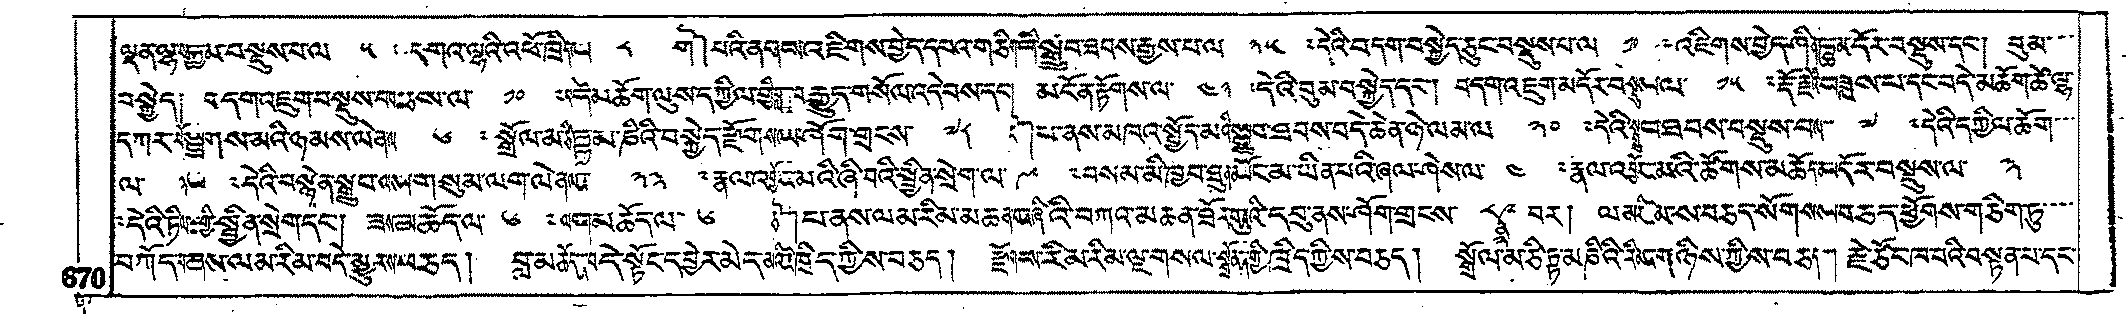ལྡན་ལྷ་བརྒྱ་མ་བསྡུས་པ་ལ ༥ ༧དགའ་ལྷའི་འཕོ་ཁྲིད་ལ ༨་ག་པའི་ནང་ནས་འཇིགས་བྱེད་དཔའ་གཅིག་གི་སྒྲུབ་ཐབས་རྒྱས་པ་ལ ༢༥ ༧དེའི་བདག་བསྐྱེད་ཅུང་བསྡུས་པ་ལ ༡༠ ༧འཇིགས་བྱེད་ཤིན་ཏུ་མདོར་བསྡུས་དང་། བུམ་
བསྐྱེད༑ བདག་འཇུག་བསྡུས་པ་བཅས་ལ ༡༠ ༧བདེ་མཆོག་ལུས་དཀྱིལ་གྱི་བླ་བརྒྱུད་གསོལ་འདེབས་དང་། མངོན་རྟོགས་ལ ༤༣ ༧དེའི་བུམ་བསྐྱེད་དང་། བདག་འཇུག་མདོར་བསྡུས་ལ ༡༥ ༧རྡོ་རྗེའི་བཟླས་པ་དང་བདེ་མཆོག་ཚེ་ལྷ་
དཀར་པོ་སྦྲགས་མའི་ཉམས་ལེན་ལ ༦ ༧སྒྲོལ་མ་ཙིཏྟ་མ་ཎིའི་བསྐྱེད་རྫོགས་ལ་ཤོག་གྲངས ༧༨་ང་པ་ནས་མཁའ་སྤྱོད་མའི་སྒྲུབ་ཐབས་བདེ་ཆེན་ཉེ་ལམ་ལ ༢༠ ༧དེའི་སྒྲུབ་ཐབས་བསྡུས་པ་
ལ ༣༦ ༧དེའི་བསྙེན་སྒྲུབ་ལས་གསུམ་ལག་ལེན་ལ ༢༣ ༧རྣལ་འབྱོར་མའི་ཞི་བའི་སྦྱིན་སྲེག་ལ ༩ ༧བསམ་མི་ཁྱབ་ཐུན་མོང་མ་ཡིན་པའི་ཞལ་ཤེས་ལ ༤ ༧རྣལ་འབྱོར་མའི་ཚོགས་མཆོད་མདོར་བསྡུས་ལ ༣
༧དེའི་ཏིལ་གྱི་སྦྱིན་སྲེག་དང་། ཟས་མཆོད་ལ ༦ ༧ལག་མཆོད་ལ ༦་ཅ་པ་ནས་ལམ་རིམ་མཆན་བཞིའི་བཀའ་མཆན་ཐོར་བུའི་དབུ་ནས་ཤོག་གྲངས ༨༩་བར། ལམ་རིམས་ས་བཅད་སོགས་ས་བཅད་ཕྱོགས་གཅིག་ཏུ་
བཀོད་པ་ནས་ལམ་རིམ་བདེ་མྱུར་ས་བཅད། བླ་མཆོད་བདེ་སྟོང་དབྱེར་མེད་མའི་ཁྲིད་ཀྱིས་བཅད། རྫོགས་རིམ་རིམ་ལྔ་གསལ་སྒྲོན་གྱི་ཁྲིད་ཀྱིས་བཅད། སྒྲོལ་མ་ཙིཏྟ་མཎིའི་རིམ་གཉིས་ཀྱིས་བཅད། རྗེ་ཙོང་ཁ་པའི་བསྟན་པ་དང་